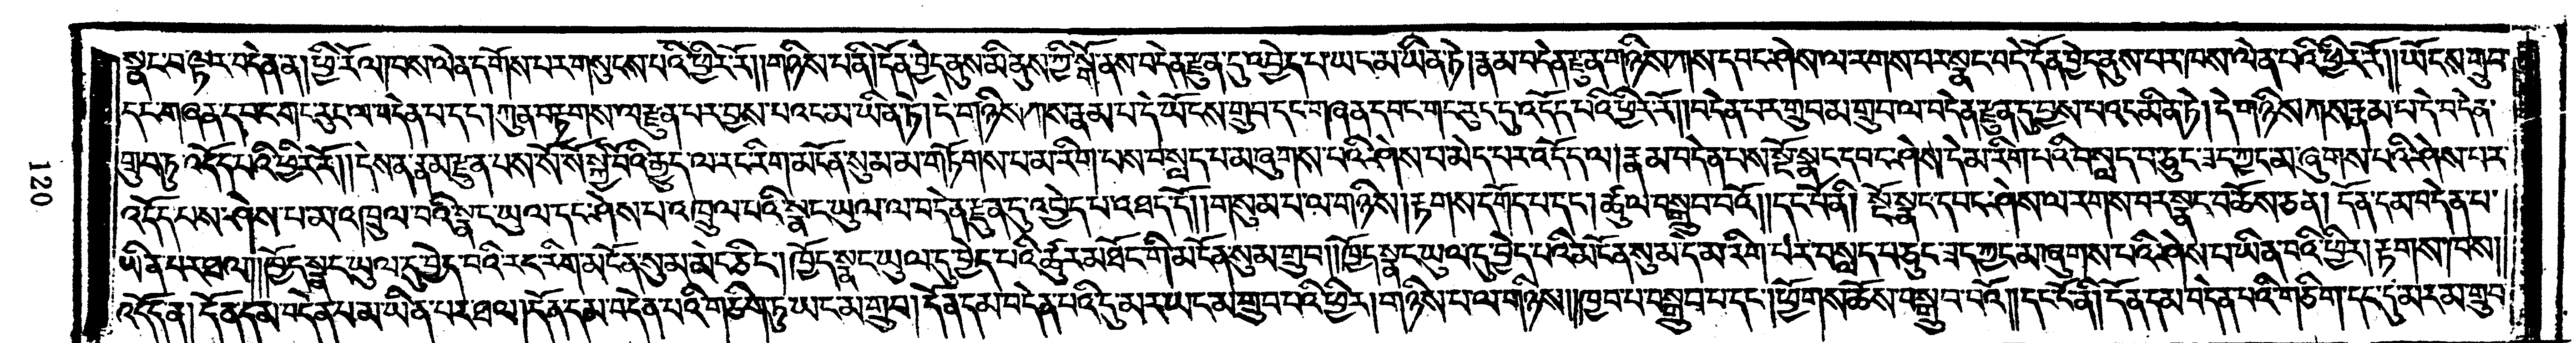སྣང་བ་ལྟར་བདེན་ན། ཕྱི་རོལ་ཁས་ལེན་དགོས་པར་གསུངས་པའི་ཕྱིར་རོ། །གཉིས་པ་ནི། དོན་བྱེད་ནུས་མི་ནུས་ཀྱི་སྒོ་ནས་བདེན་རྫུན་དུ་འབྱེད་པ་ཡང་མ་ཡིན་ཏེ། རྣམ་བདེན་རྫུན་གཉིས་ཀས་དབང་ཤེས་ལ་རགས་པར་སྣང་བ་དེ་དོན་བྱེད་ནུས་པར་ཁས་ལེན་པའི་ཕྱིར་རོ། །ཡོངས་གྲུབ་
དང་གཞན་དབང་གང་རུང་ལ་བདེན་པ་དང་། ཀུན་བརྟགས་ལ་རྫུན་པར་བྱས་པའང་མ་ཡིན་ཏེ། དེ་གཉིས་ཀས་རྣམ་པ་དེ་ཡོངས་གྲུབ་དང་གཞན་དབང་གང་རུང་དུ་འདོད་པའི་ཕྱིར་རོ། །བདེན་པར་གྲུབ་མ་གྲུབ་ལ་བདེན་རྫུན་དུ་བྱས་པའང་མིན་ཏེ། དེ་གཉིས་ཀས་རྣམ་པ་དེ་བདེན་
གྲུབ་ཏུ་འདོད་པའི་ཕྱིར་རོ། །དེས་ན་རྣམ་རྫུན་པས་སོ་སོ་སྐྱེ་བོའི་རྒྱུད་ལ་རང་རིག་མངོན་སུམ་མ་གཏོགས་པ་མ་རིག་པས་བསླད་པ་མ་ཞུགས་པའི་ཤེས་པ་མེད་པར་འདོད་ལ། རྣམ་བདེན་པས་སྔོ་སྣང་དབང་ཤེས་དེ་མ་རིག་པའི་བསླད་པ་ཅུང་ཟད་ཀྱང་མ་ཞུགས་པའི་ཤེས་པར་
འདོད་པས་ཤེས་པ་མ་འཁྲུལ་པའི་སྣང་ཡུལ་དང་ཤེས་པ་འཁྲུལ་པའི་སྣང་ཡུལ་ལ་བདེན་རྫུན་དུ་འབྱེད་པ་འཐད་དོ། །གསུམ་པ་ལ་གཉིས། རྟགས་དགོད་པ་དང་། ཚུལ་བསྒྲུབ་པའོ། །དང་པོ་ནི། སྔོ་སྣང་དབང་ཤེས་ལ་རགས་པར་སྣང་བ་ཆོས་ཅན། དོན་དམ་བདེན་པ་
ཡིན་པར་ཐལ། ཁྱོད་སྣང་ཡུལ་དུ་བྱེད་པའི་རང་རིག་མངོན་སུམ་མེད་ཅིང་། ཁྱོད་སྣང་ཡུལ་དུ་བྱེད་པའི་ཚུར་མཐོང་གི་མངོན་སུམ་གྲུབ། ཁྱོད་སྣང་ཡུལ་དུ་བྱེད་པའི་མངོན་སུམ་དེ་མ་རིག་པའི་བསླད་པ་ཅུང་ཟད་ཀྱང་མ་ཞུགས་པའི་ཤེས་པ་ཡིན་པའི་ཕྱིར། རྟགས་ཁས།
འདོད་ན། དོན་དམ་བདེན་པ་མ་ཡིན་པར་ཐལ། དོན་དམ་བདེན་པའི་གཅིག་ཏུ་ཡང་མ་གྲུབ། དོན་དམ་བདེན་པའི་དུ་མར་ཡང་མ་གྲུབ་པའི་ཕྱིར། གཉིས་པ་ལ་གཉིས། ཁྱབ་པ་བསྒྲུབ་པ་དང་། ཕྱོགས་ཆོས་བསྒྲུབ་པའོ། །དང་པོ་ནི། དོན་དམ་བདེན་པའི་གཅིག་དང་དུ་མར་མ་གྲུབ་